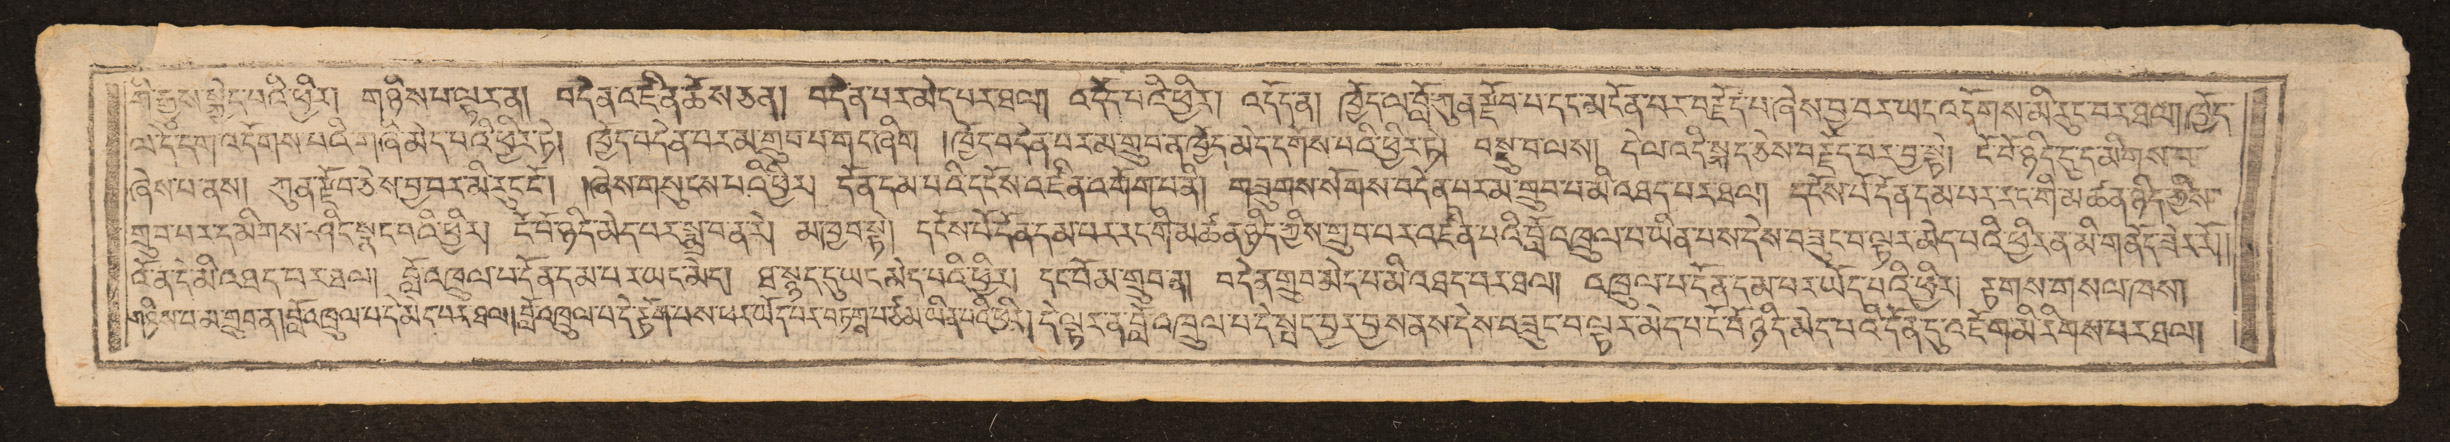གི་རྒྱུས་སྐྱེད་པའི་ཕྱིར། གཉིས་པ་ལྟར་ན། བདེན་འཛིན་ཆོས་ཅན། བདེན་པར་མེད་པར་ཐལ། འདོད་པའི་ཕྱིར། འདོད་ན། ཁྱོད་ལ་བློ་ཀུན་རྫོབ་པ་དང་མངོན་པར་བརྗོད་པ་ཞེས་བྱ་བར་ཡང་འདོགས་མི་རུང་བར་ཐལ། ཁྱོད་
ལ་དེ་དག་འདོགས་པའི་གཞི་མེད་པའི་ཕྱིར་ཏེ། ཁྱོད་བདེན་པར་མ་གྲུབ་པ་གང་ཞིག །ཁྱོད་བདེན་པར་མ་གྲུབ་ན་ཁྱོད་མེད་དགོས་པའི་ཕྱིར་ཏེ། བསྡུ་བ་ལས། དེ་ལ་འདི་སྐད་ཅེས་བརྗོད་པར་བྱ་སྟེ། ངོ་བོ་ཉིད་དུ་དམིགས་པ་
ཞེས་པ་ནས། ཀུན་རྫོབ་ཅེས་བྱ་བར་མི་རུང་ངོ། །ཞེས་གསུངས་པའི་ཕྱིར། དོན་དམ་པའི་དངོས་འཛིན་འགོག་པ་ནི། གཟུགས་སོགས་བདེན་པར་མ་གྲུབ་པ་མི་འཐད་པར་ཐལ། དངོས་པོ་དོན་དམ་པར་རང་གི་མཚན་ཉིད་ཀྱིས་
གྲུབ་པར་དམིགས་ཤིང་སྣང་བའི་ཕྱིར། ངོ་བོ་ཉིད་མེད་པར་སྨྲ་བ་ན་རེ། མ་ཁྱབ་སྟེ། དངོས་པོ་དོན་དམ་པར་རང་གི་མཚན་ཉིད་ཀྱིས་གྲུབ་པར་འཛིན་པའི་བློ་འཁྲུལ་པ་ཡིན་པས་དེས་བཟུང་བ་ལྟར་མེད་པའི་ཕྱིར་ན་མི་གནོད་ཟེར་རོ།།
འོ་ན་དེ་མི་འཐད་པར་ཐལ། བློ་འཁྲུལ་པ་དོན་དམ་པར་ཡང་མེད། ཐ་སྙད་དུ་ཡང་མེད་པའི་ཕྱིར། དང་པོ་མ་གྲུབ་ན། བདེན་གྲུབ་མེད་པ་མི་འཐད་པར་ཐལ། འཁྲུལ་པ་དོན་དམ་པར་ཡོད་པའི་ཕྱིར། རྟགས་གསལ་ཁས།
གཉིས་པ་མ་གྲུབ་ན། བློ་འཁྲུལ་པ་དེ་མེད་པར་ཐལ། བློ་འཁྲུལ་པ་དེ་རྟོག་པས་པར་ཡོད་པར་བཏགས་པ་ཙམ་ཡིན་པའི་ཕྱིར། དེ་ལྟར་ན་བློ་འཁྲུལ་བ་དེ་སྤང་བྱར་བྱས་ནས་དེས་བཟུང་བ་ལྟར་མེད་པ་ངོ་བོ་ཉིད་མེད་པའི་དོན་དུ་འཇོག་མི་རིགས་པར་ཐལ།